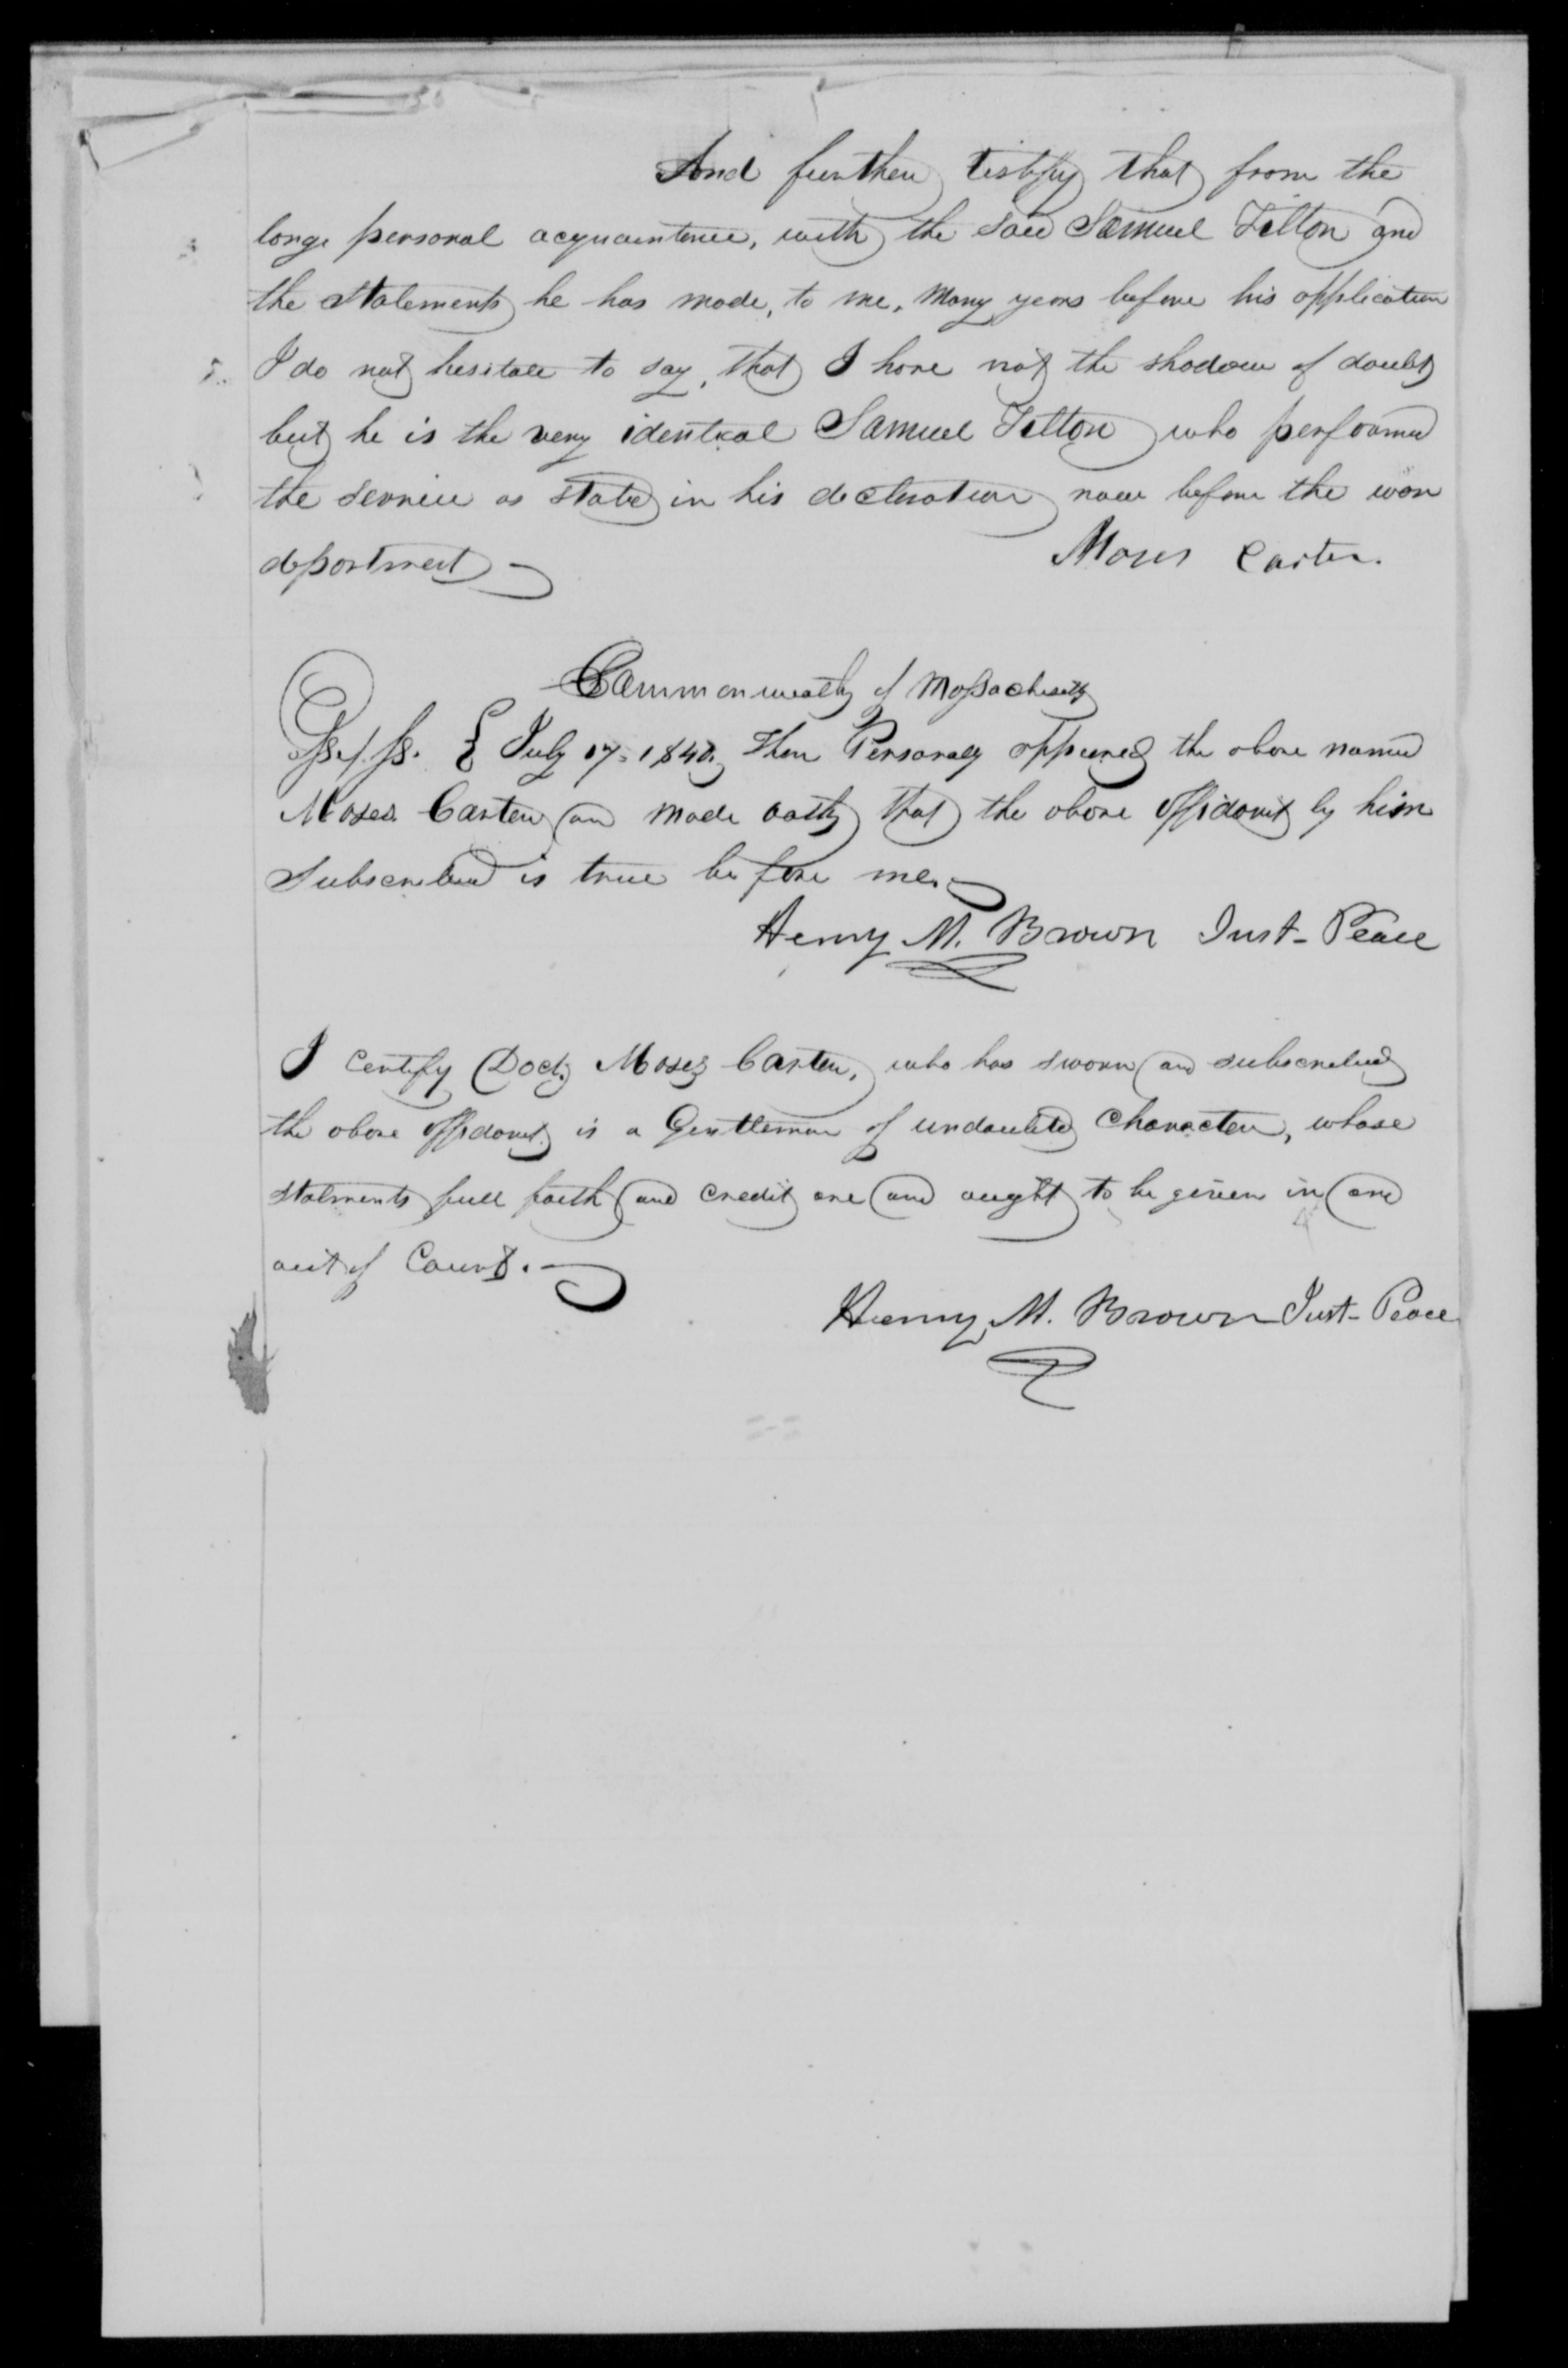And further testify that from the long personal acquaintance, with the said Samuel Tilton and the statements he has made, to me, many years before his application I do not hesitate to say, that I have not the shadow of doubt but he is the very identical Samuel Tilton who performed the service as stated in his declaration now before the war department. - Moses Carter

Commonwealth of Massachusetts

Essex SS  July 07, 1840, Then personally appeared the above named Moses Carter and made oath that the above affidavit by him subscribed is true before me. 
Henry M. Brown - Just-Peace

I certify Doctor Moses Carter, who has sworn and subscribed the above affidavit is a gentleman of undoubted character, whose statements full faith and credit are and ought to be given in and out of Court
Henry M. Brown - Just-Peace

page: 52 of 55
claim: widow's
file: W. 14,021, for Samuel Tilton, New Hampshire